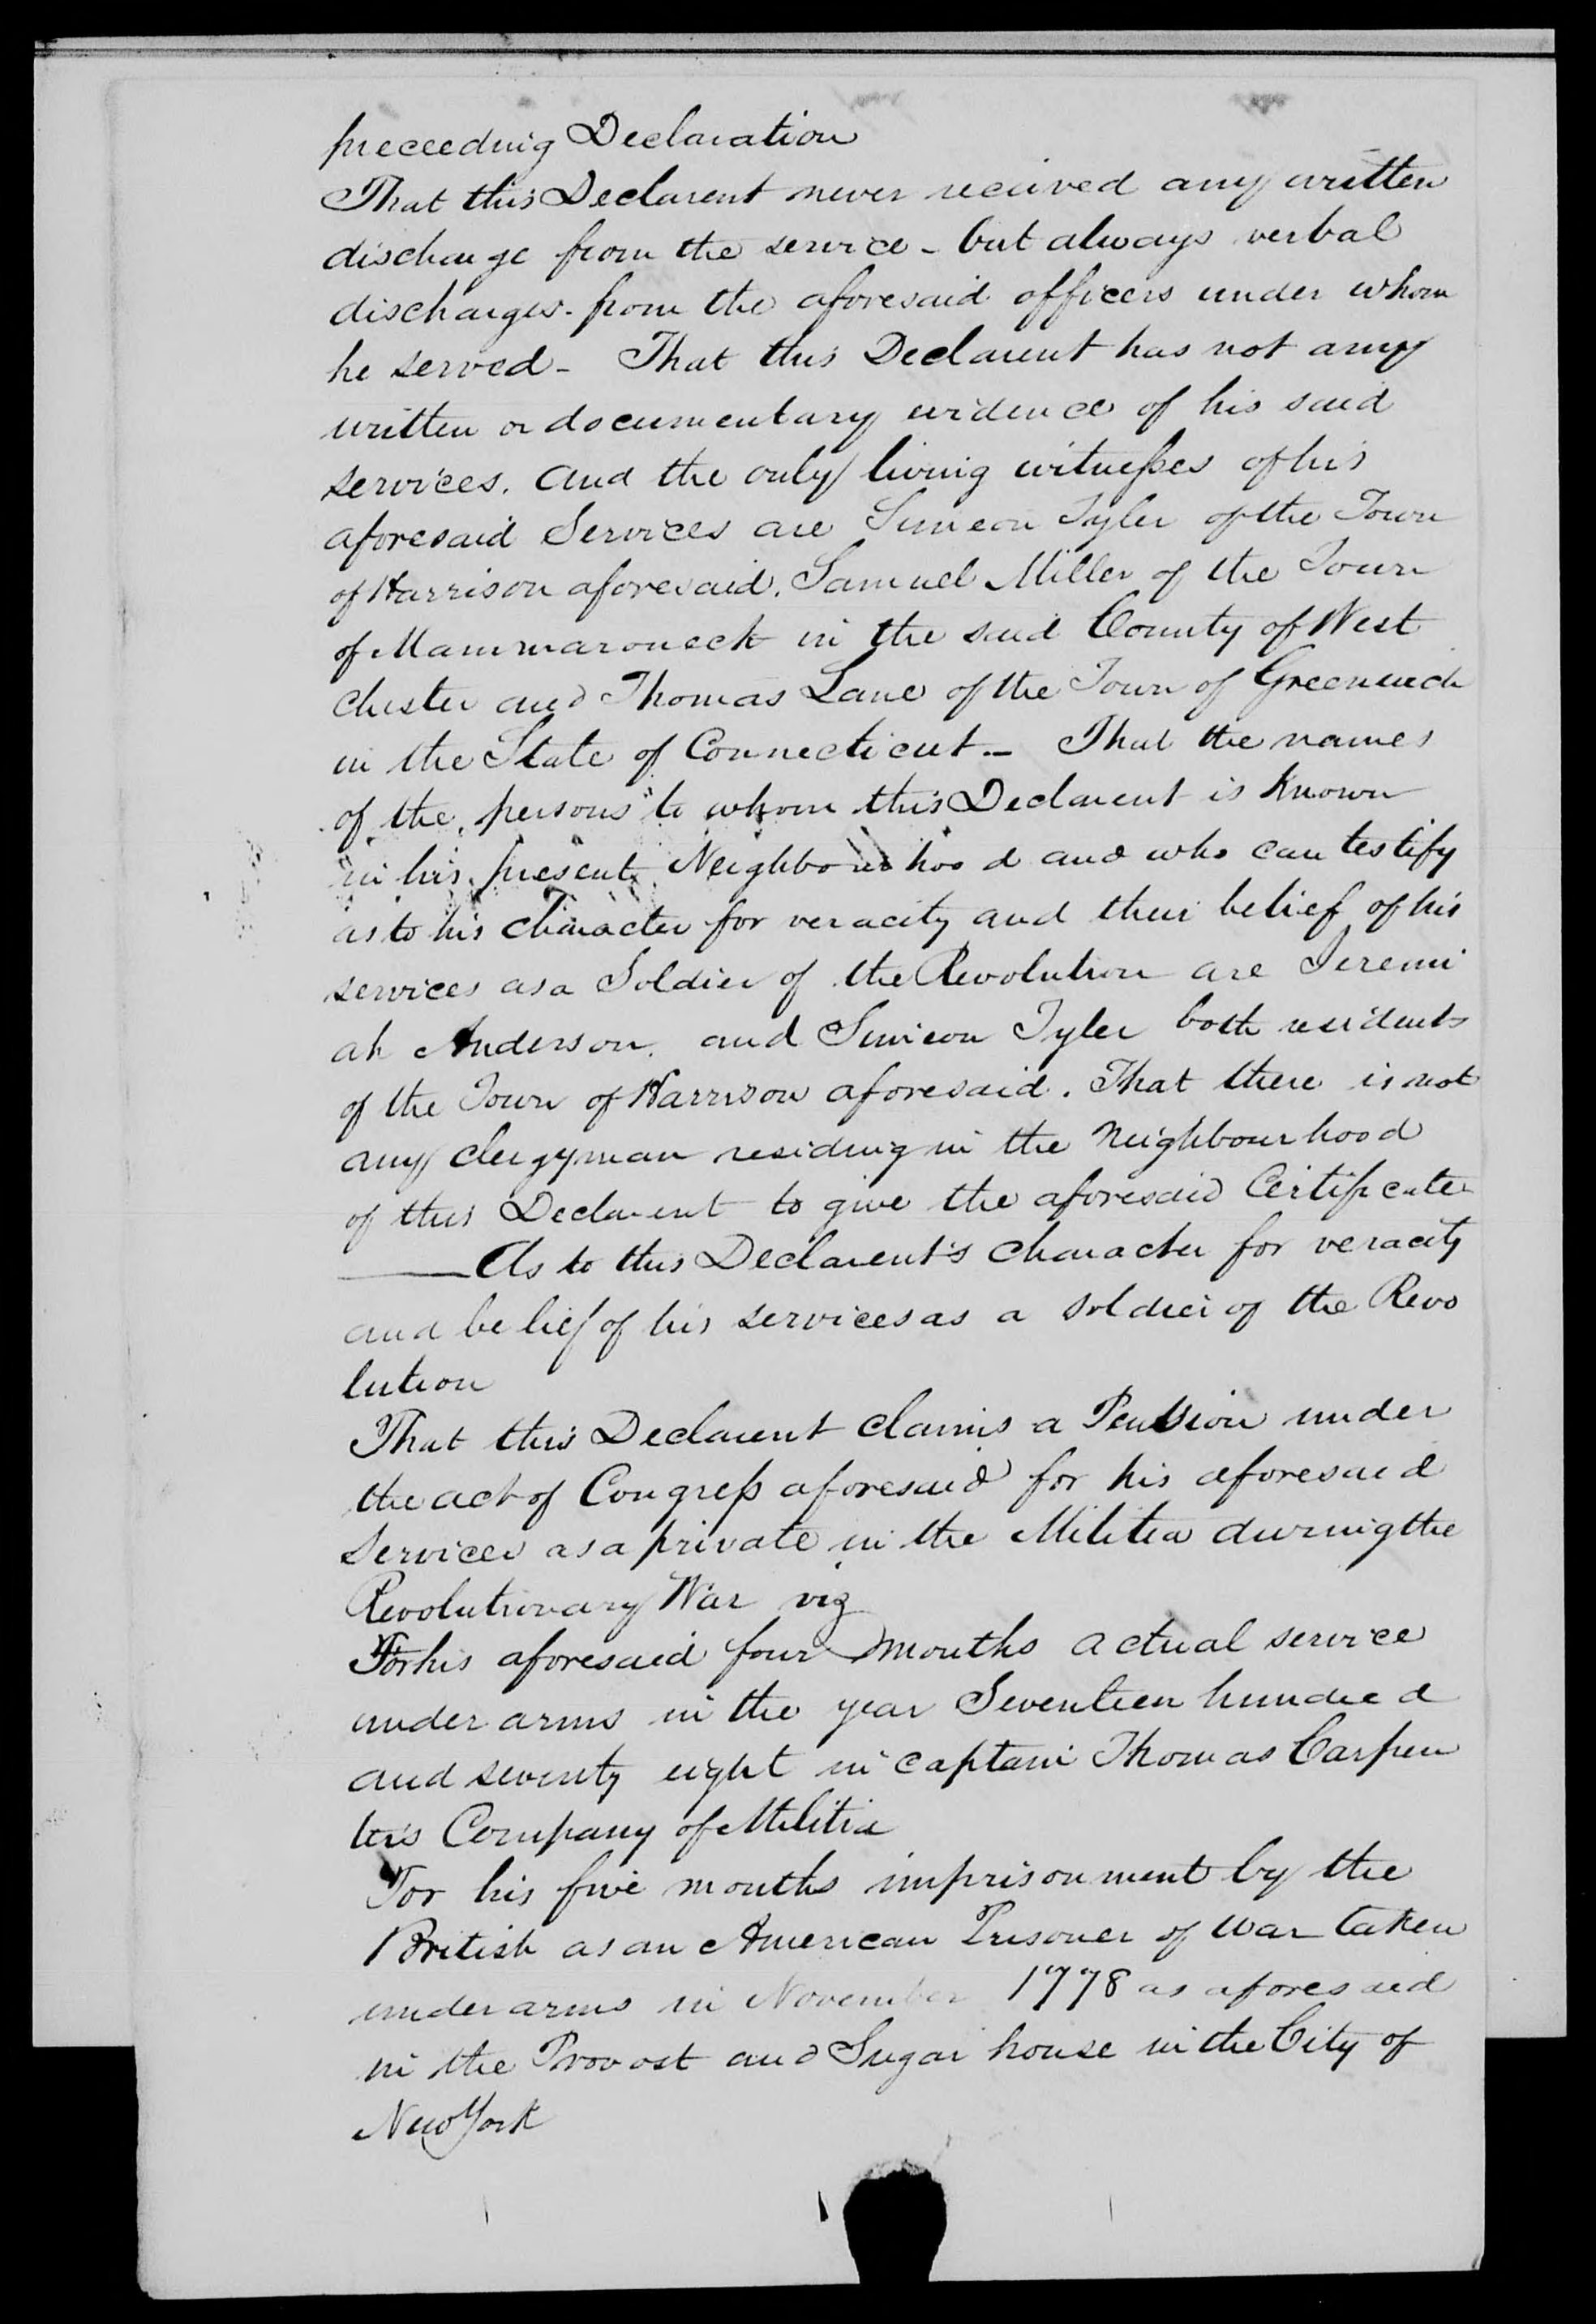preceeding Declaration 
That this Declarent never received any written discharge from the service - but always verbal discharges from the aforesaid officers under whom he served. That this Declarant has not any written or documentary evidence of his said services, and the only living witnesses of his aforesaid Services are Simeon Tyler of the Town of Harrison aforesaid, Samuel Miller of the Town of Mammaroneck in the said County of Westchester and Thomas Lane of the Town of Greenwich in the State of Connecticut. That the names of the persons to whom this Declarent is known in his present Neighbourhood and who can testify as to his character for veracity and their belief of his services as a Soldier of the Revolution are Jeremiah Anderson and Simeon Tyler both residents of the Town of Harrison aforesaid. That there is not any clergyman residing in the Neighbourhood of this Declarent to give the aforesaid Certificate As to this Declarant's character for veracity and belief of his services as a soldier of the Revolution 
That this Declarant claims a Pension under the act of Congress aforesaid for his aforesaid Services as a private in the Militia during the Revolutionary War, viz 
For his aforesaid four months actual service under arms in the year Seventeen hundred and seventy eight in Captain Thomas Carpenter's Company of Militia, 
For his five months imprisonment by the British as an American Prisoner of War taken under arms in November 1778 as aforesaid in the Provost and Sugar house in the City of New York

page: 11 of 33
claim: rejected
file: R. 7,063, for Elisha B Maynard, New York